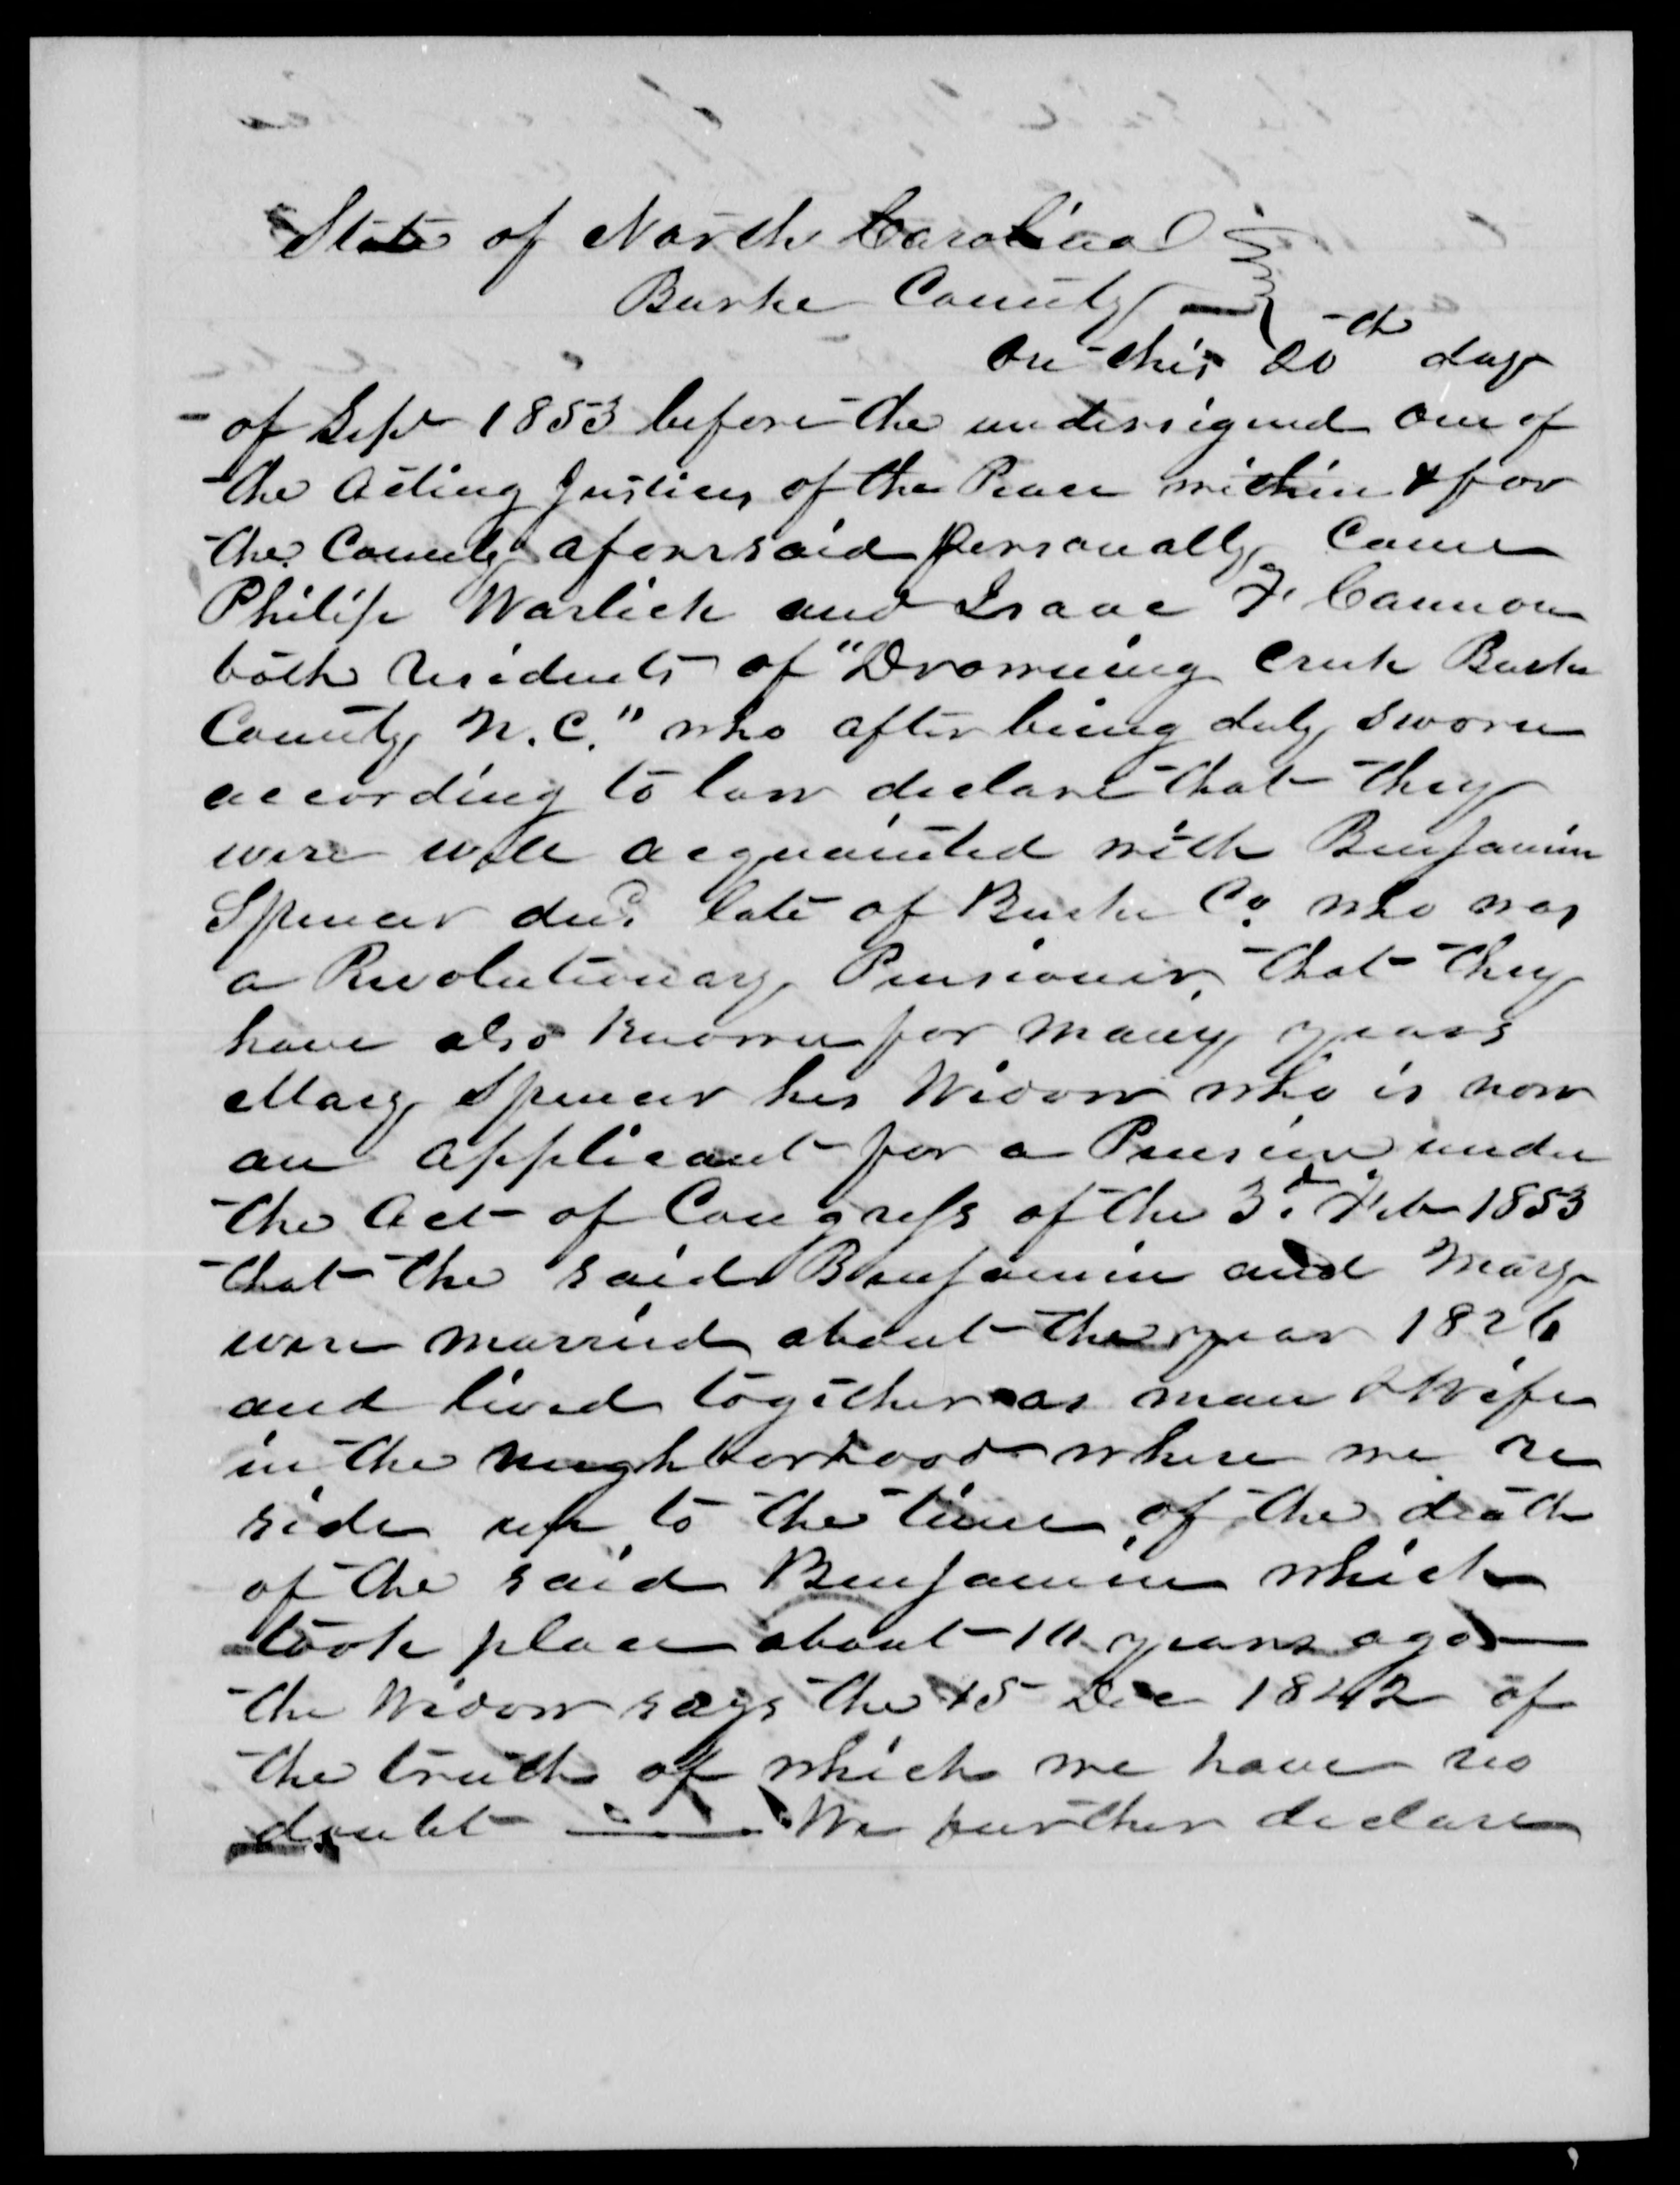State of North Carolina
Burke County
On this 20th day
of Sept 1853 before the undersigned one of the
acting Justice of the Peace within & for
the County aforesaid personally came
Philip Warlick and Isaac F. Cannon
both residents of "Dromusing Creek Burke
County N.C. who after being duly sworn
according to law declare that they
were well acquainted with Benjamin
Spencer dec'd. late of Burke Co who was a
Revolutionary Pensioner, that they
have also known for many years
Mary Spencer his widow who is now
an applicant for a pension under the
act of Congress of the 3d Feb 1853
that the said Benjamin and Mary
were married about the year 1826
and lived together as man & wife
in the neighborhood where we reside up to the time of the death
of the said Benjamin which
took place about 14 years ago
the Widow says the 15 Dec 1842 of
the truth of which we have np
doubt- we further declare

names: Benjamin [BLANK]; Benjamin Spencer; Philip Warlick; Mary Spencer; Mary [BLANK]; Isaac F Cannon; Benjamin [BLANK]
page: 52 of 63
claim: widow's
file: W. 6158, for Benjamin Spencer, North Carolina